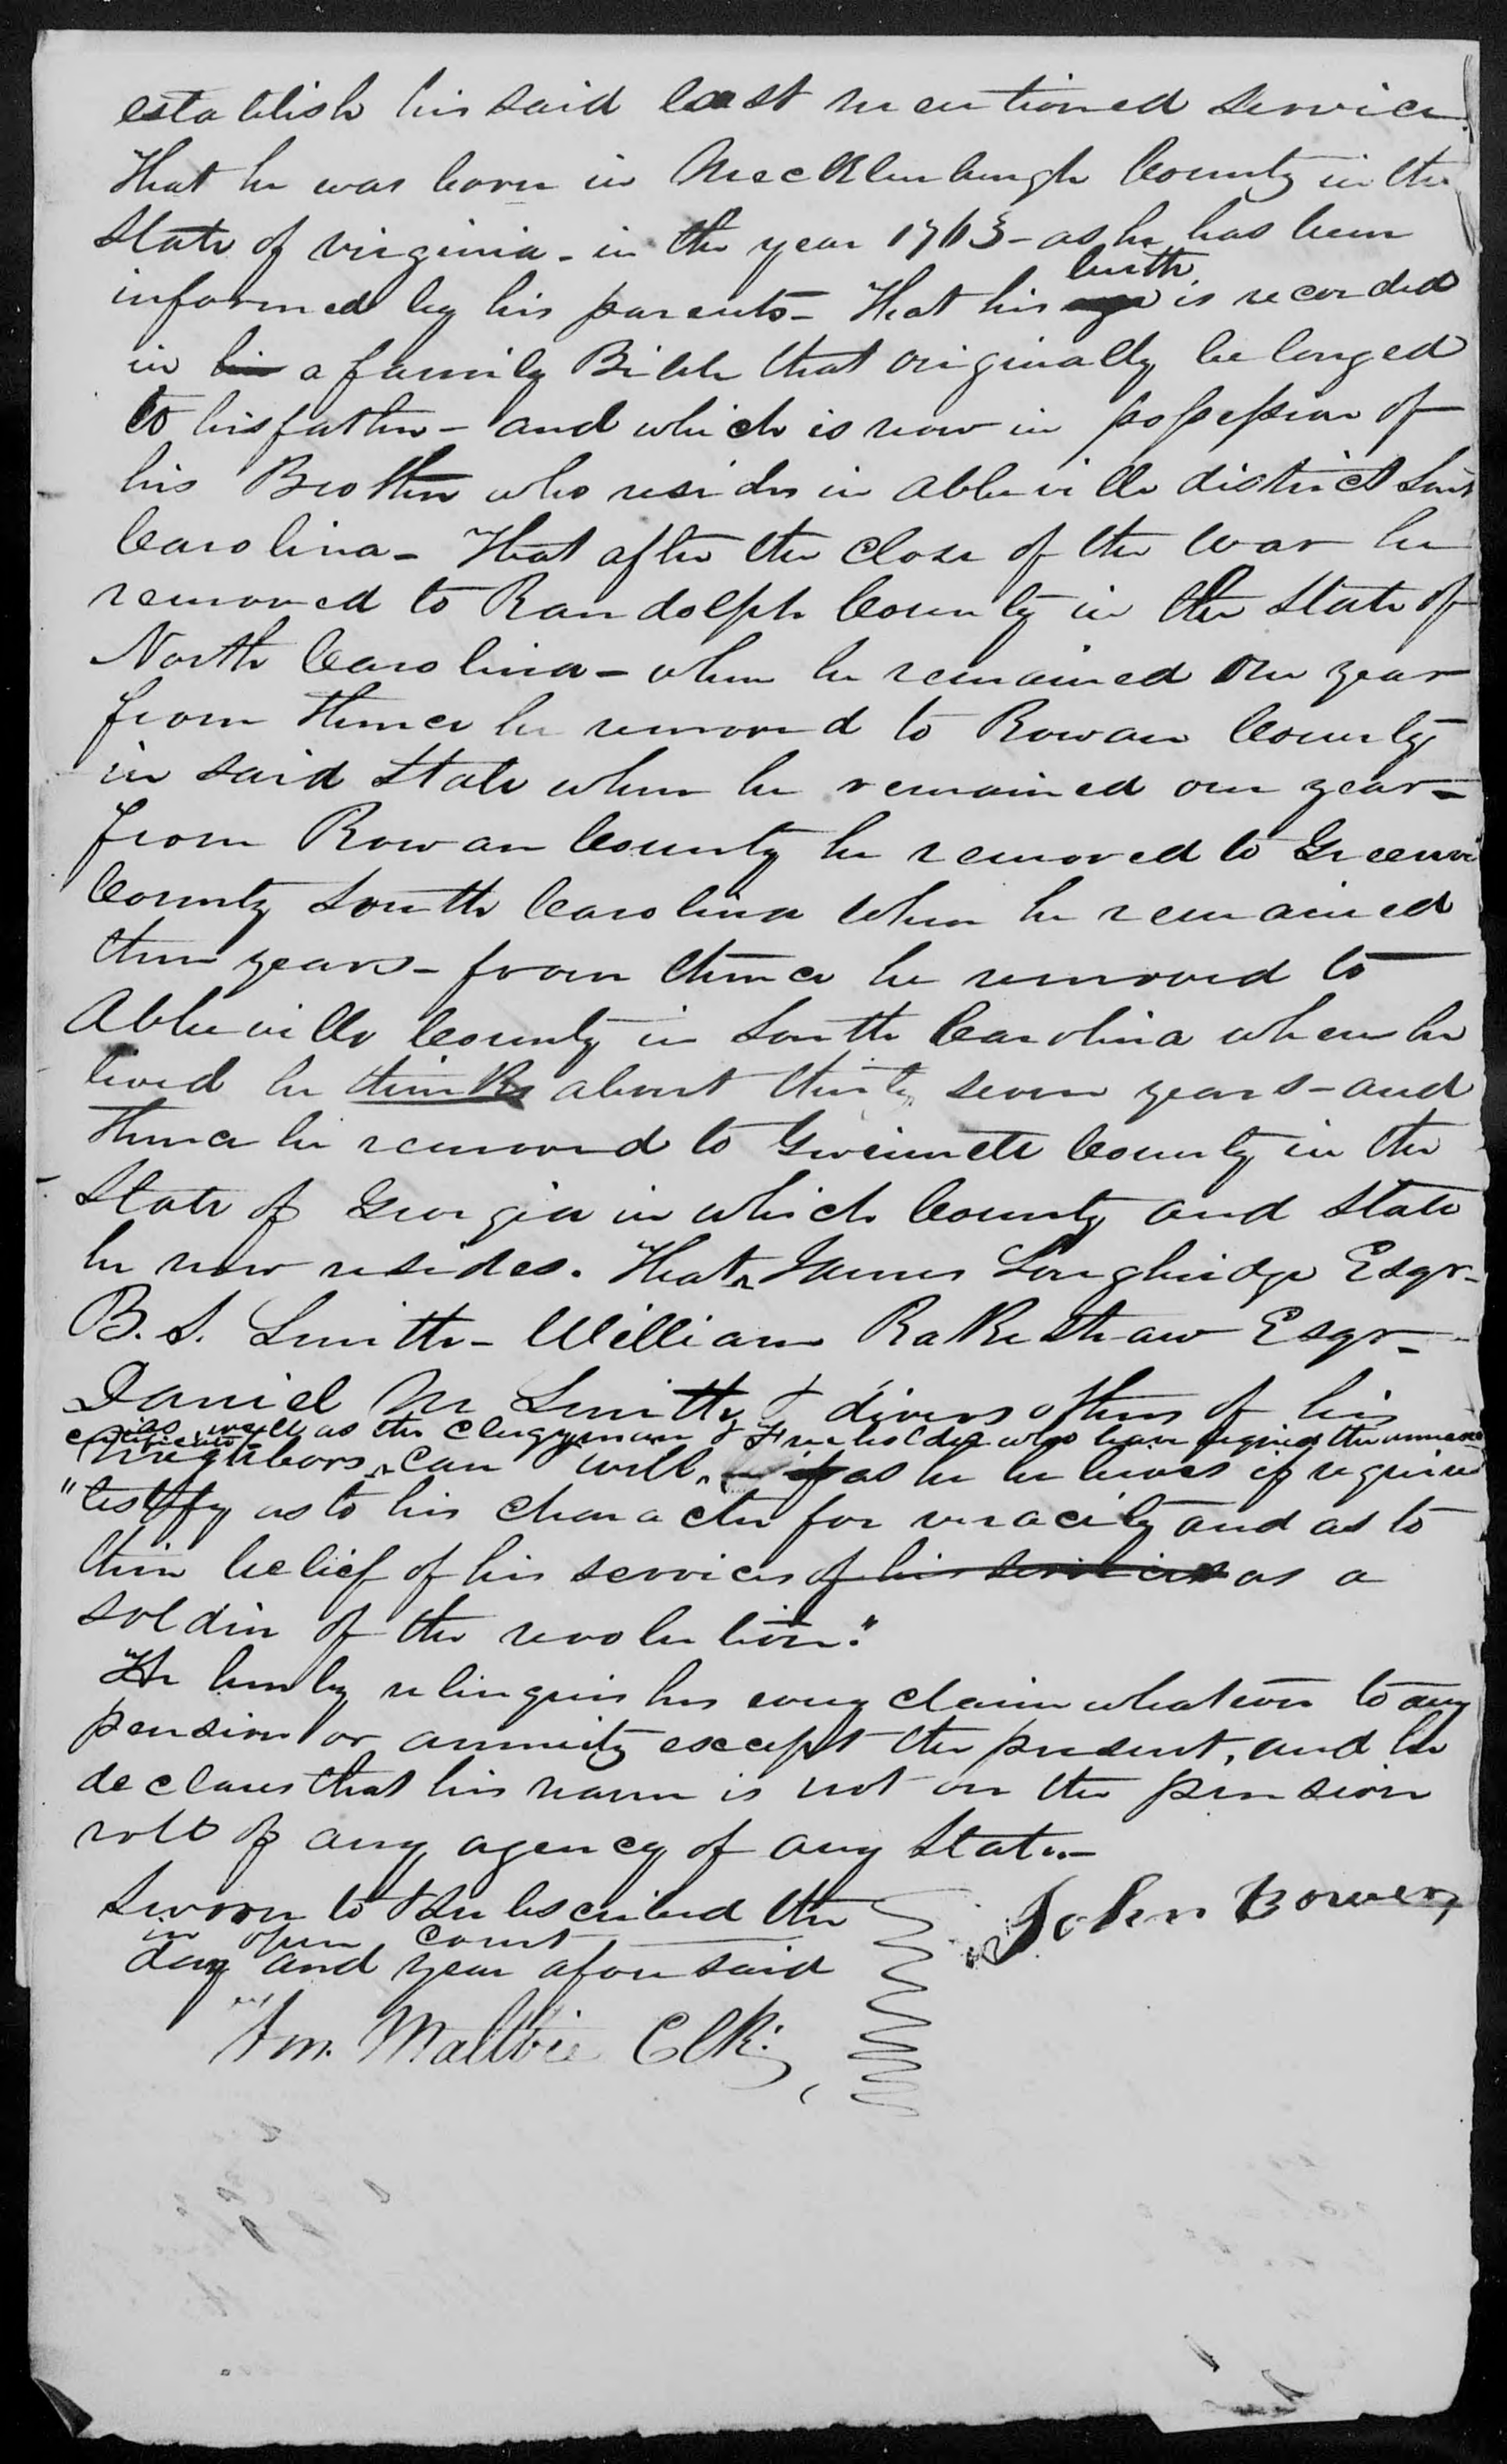establish his said last mentioned service
That he was born in Mecklenburgh County in the State of Virginia in the year 1763—as he has been informed by his parents.  That his birth is recorded in a family Bible that originally belonged to his father.  and which is now in possession of his Brother who resides in Abbeville district South Carolina.  That after the close of the War he removed to Randolph County in the State of North Carolina where he remained one year  from thence he removed to Rowan County in said State where he remained one year--from Rowan County he removed to Greenville County South Carolina where he remained three years.  from thence he removed to Abbeville County in South Carolina where he lived he thinks about thirty seven years.  and thence he removed to Gwinnett County in the State of Georgia in which County and State he now resides. That James Longhridge Esqr, B.S. Smith, William Rakestraw Esqr, 
Daniel M Smith & divers others of his
neighbors (as well as the Clergyman & Freeholders who have given their assurances) can & will as he believes if required can "testify as to his character for veracity as to their belief of his service as a soldier of the revolution."
He hereby relinquishes his every claim whatever to any pension or annuity except the present, and he declares that his name is not on the pension roll of any agency of any State.
John Bower
Sworn to & subscribed in open court the
day and year afore said
Wm. Maltbie  Clk:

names: James Longhridge, William Ra Re Thaw, B S Smith, John Bowen, Wm Maltbie, Daniel M Smith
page: 5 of 20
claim: survivor's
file: S. 32,124, John Bowen, Va.